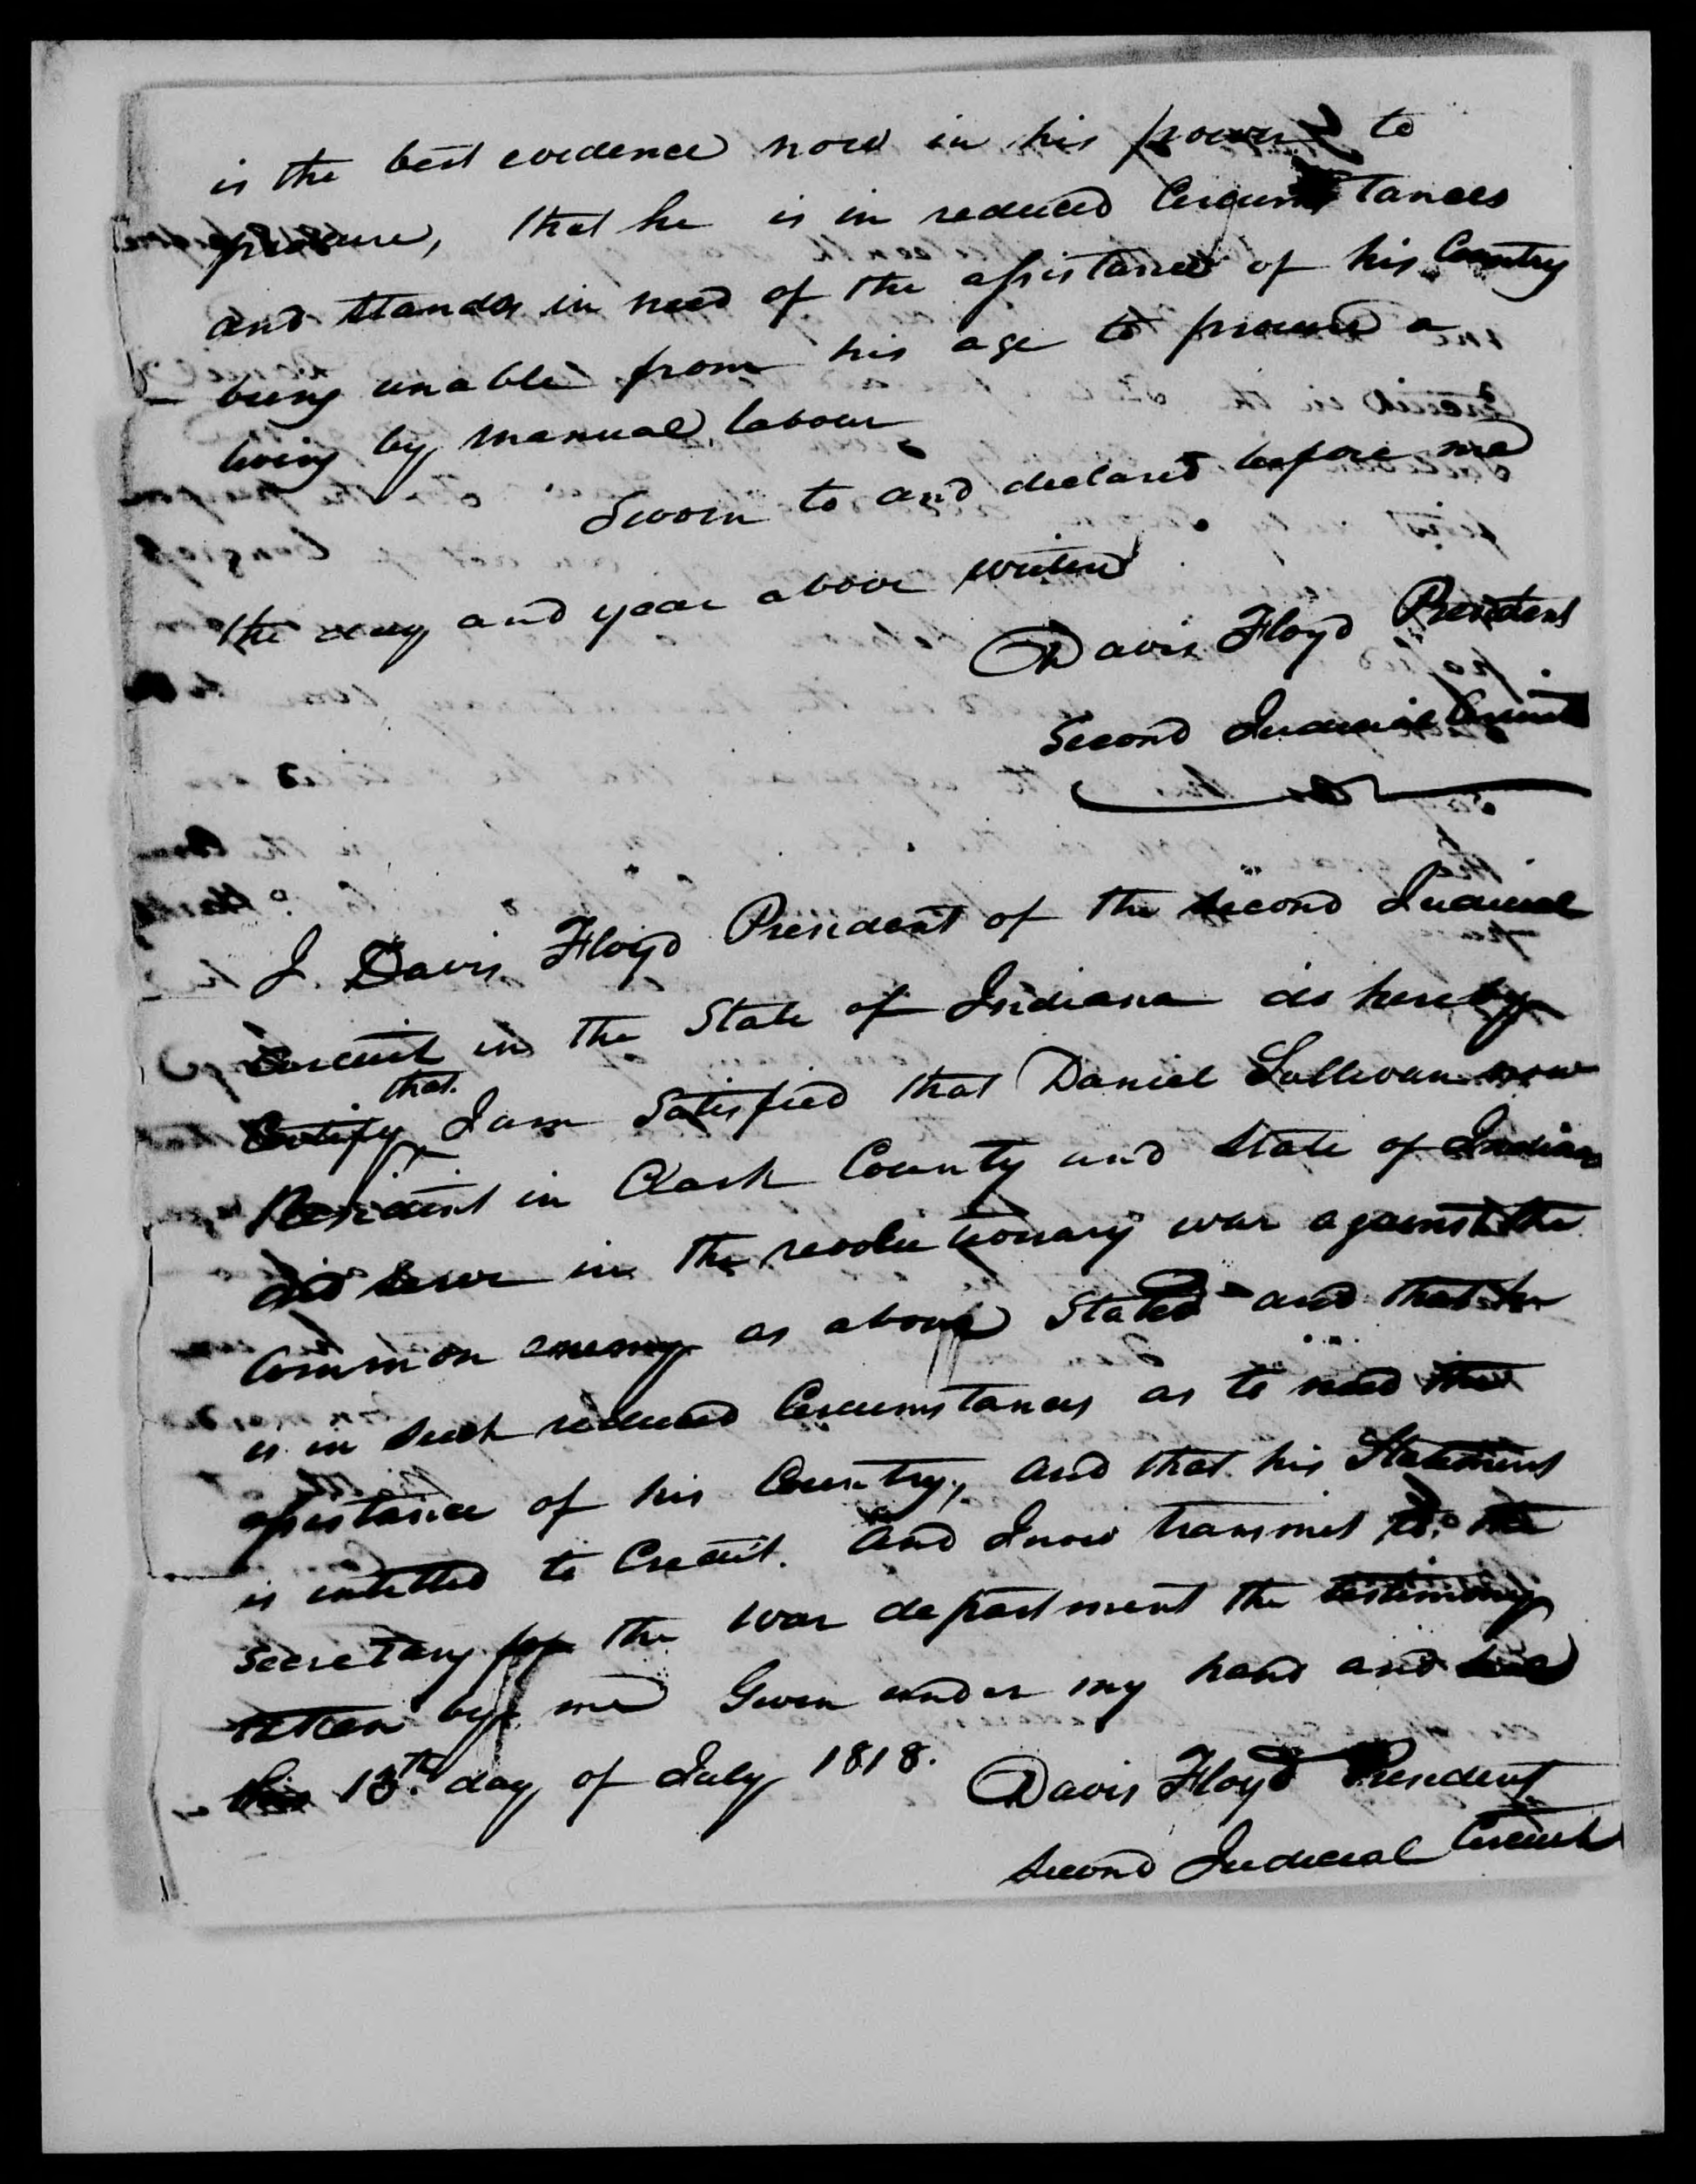is the best evidence now in his possession to procure, that he is in reduced circumstances and stands in need of the assistance of his county being unable from his age to procure a living by manual labour (labor).

Sworn to and declared before me the day and year above written

[signed] Davis Floyd - President
Second Judicial Circuit

I Davis Floyd President of the Second Judicial Circuit in the state of Indiana do hereby certify that I am satisfied that Daniel Sullivan a resident in Clark County and State of Indiana served in the revolutionary war against the common enemy as above stated and that he is in such reduced circumstances as to need the assistance of his country and that his statement is entitled to credit and I now transmit to the Secretary of the war department the testimony taken by me given under my hand and seal this 13th day of July 1818.

[signed] Davis Floyd - President
Second Judicial Circuit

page: 4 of 78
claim: widow's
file: W. 25,169, for Daniel Sullivan, Maryland